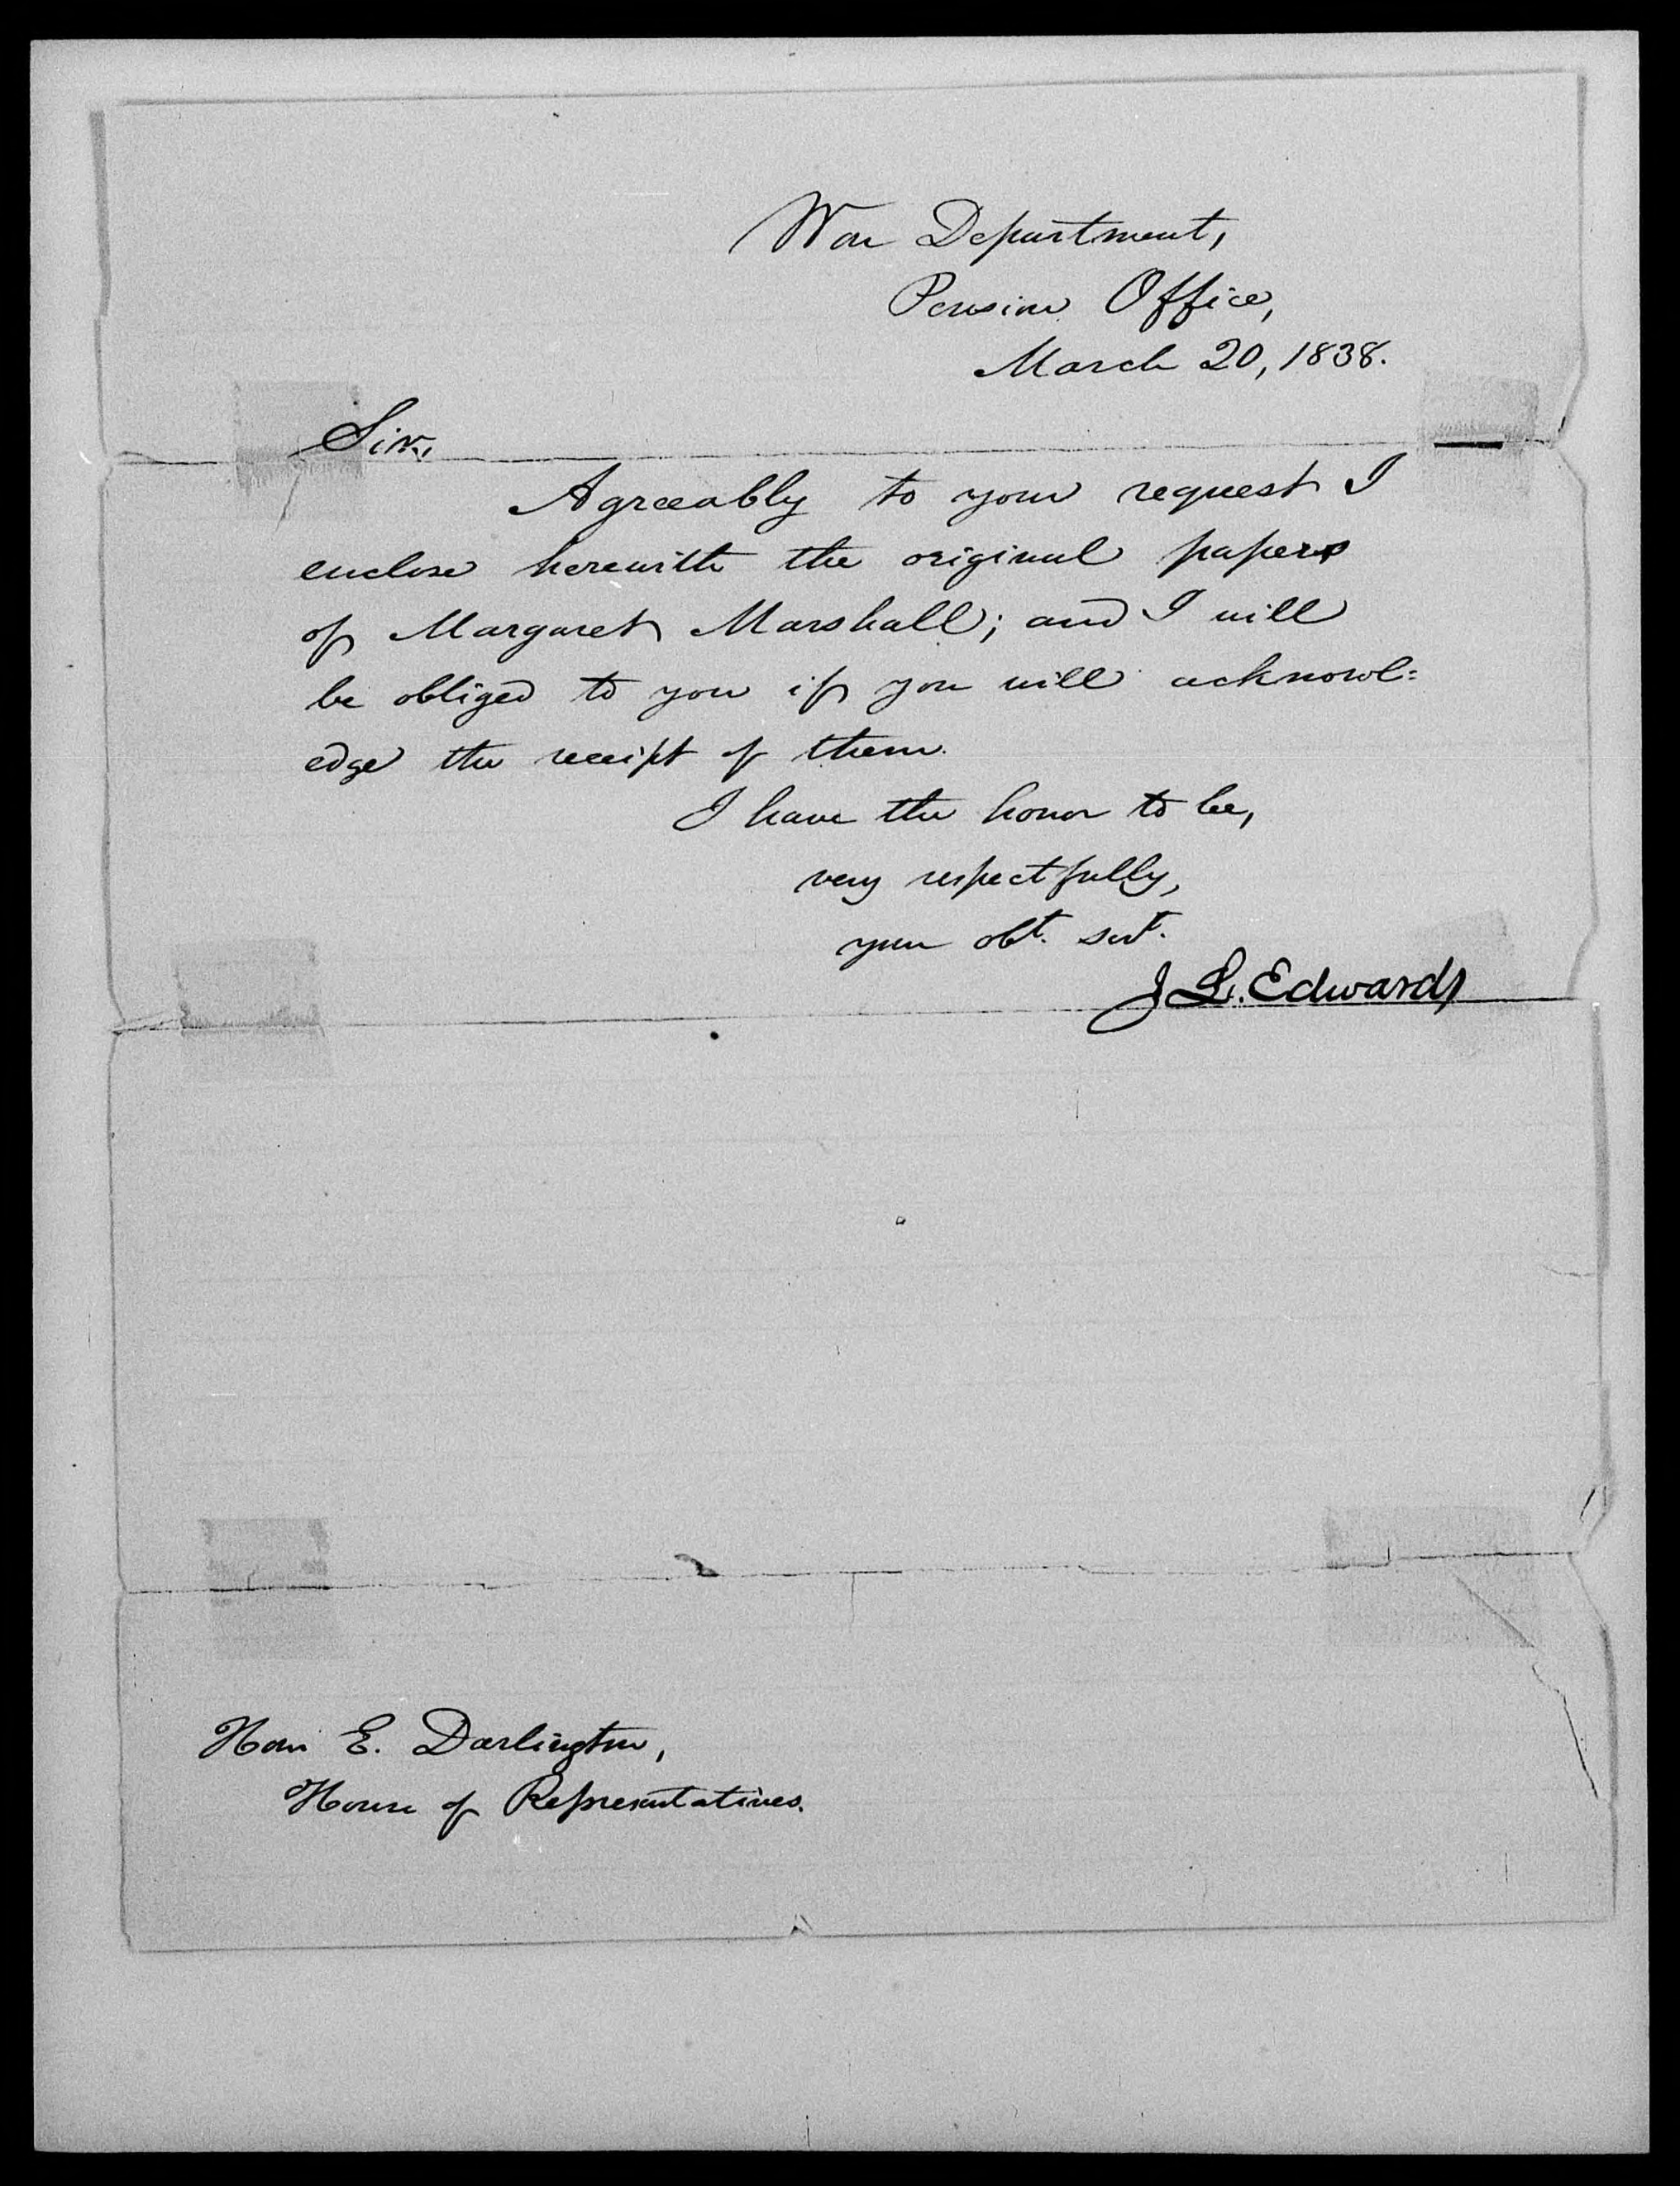War Department 
Pension Office,
March 20, 1838

Sir,

Argreebly to your request I enclose herewith enclose the original papers of Margaret Marshall, and I will be obliged to you if you will acknowledge the receipt of them.

I have the honor to be,
very respectfully,
your obt. set.

J.L. Edwards


Hon E. Darlington,
House of Representatives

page: 32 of 86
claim: widow's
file: W. 3571, for David Marshall, Pennsylvania